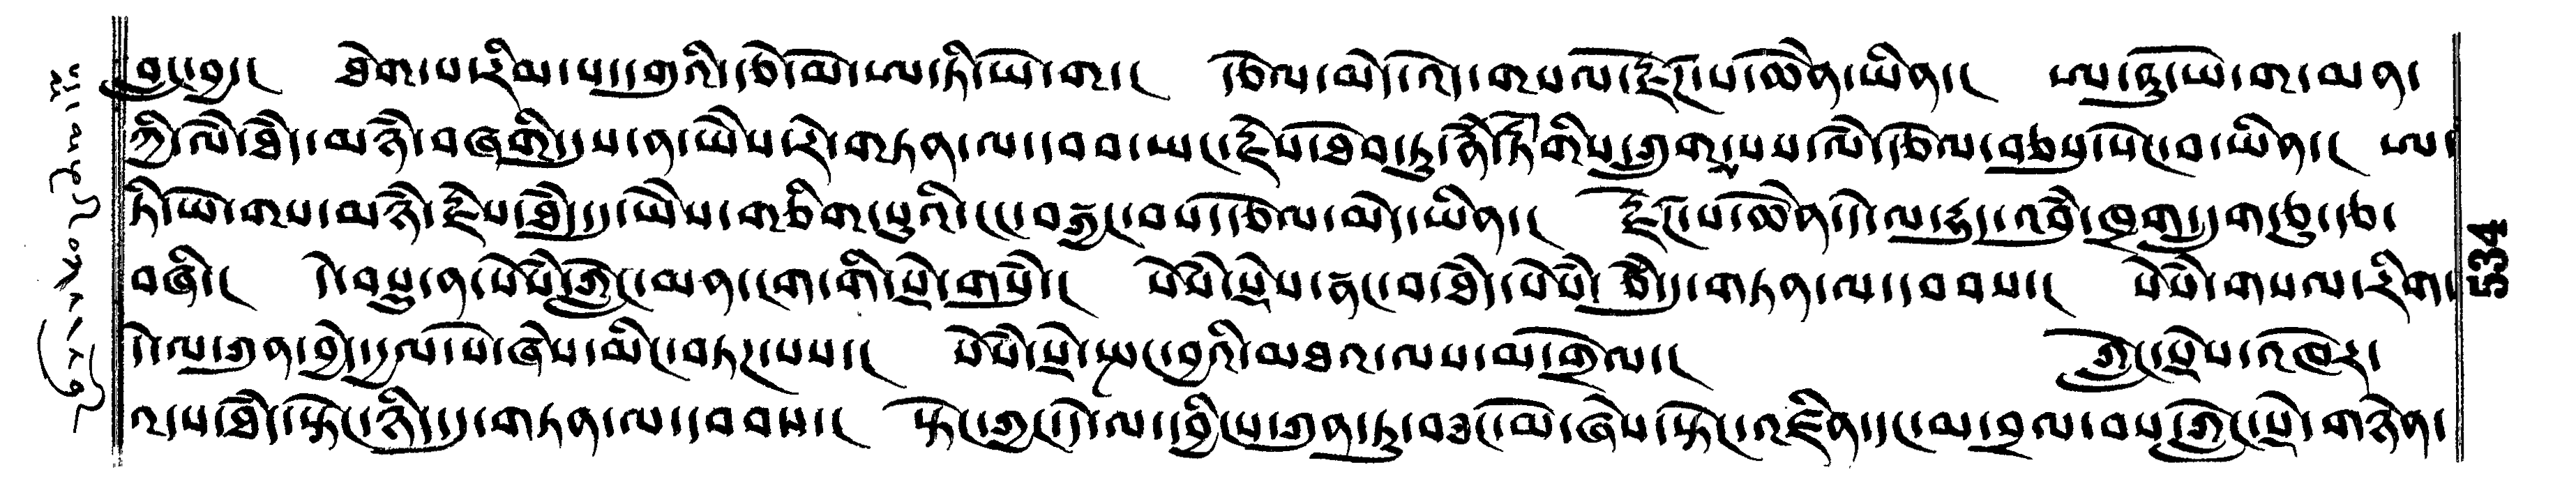བླང་བྱ། ཐེག་པ་རིམ་པ་དགུའི་རྩེ་མོ་ཨ་ཏི་ཡོ་ག རྩོལ་མེད་འོད་གསལ་རྫོགས་པ་ཆེན་པོ་ཡིན། ཨ་ནུ་ཡོ་ག་མན་
ཀྱི་ལམ་ཐམས་ཅད་མཉམ་བཞག་གི་དུས་ན་ཡེ་ཤེས་རེ་གཏན་ལ་དབབ་ཀྱང་རྗེས་ཐོབ་ཏུ་རྣམ་རྟོག་གིས་དཀྲུགས་པས་ལམ་རྩོལ་བཅས་སུ་སོང་བ་ཡིན། ཨ་
ཏི་ཡོ་གས་མཉམ་རྗེས་ཐམས་ཅད་དུ་ཡེ་ཤེས་གཅིག་པུའི་ངང་སྐྱོང་བས་རྩོལ་མེད་ཡིན། རྫོགས་པ་ཆེན་པོ་དེ་ལ་རྒྱུད་འབུམ་ཕྲག་དྲུག་ཅུ་རྩ་
བཞི། དེ་བསྡུ་ན་སེམས་ཀློང་མན་ངག་གི་སྡེ་གསུམ། སེམས་སྡེས་སྣང་བ་ཐམས་ཅད་སེམས་ཙམ་དུ་གཏན་ལ་དབབ། སེམས་གསལ་རིག་
དེ་ལ་ཀུན་བྱེད་རྒྱལ་པོ་ཞེས་མིང་བཏགས་པས། སེམས་སྡེ་སྤང་བྱའི་མཐའ་ལས་མ་གྲོལ། ཀློང་སྡེས་འཁོར་
འདས་ཐམས་ཅད་སྟོང་ཉིད་དུ་གཏན་ལ་དབབ། སྟོང་རྐྱང་དེ་ལ་དབྱིངས་ཀུན་ཏུ་བཟང་མོ་ཞེས་སྟོང་འཛིན་དང་མ་བྲལ་བས་ཀློང་སྡེ་གཉེན་